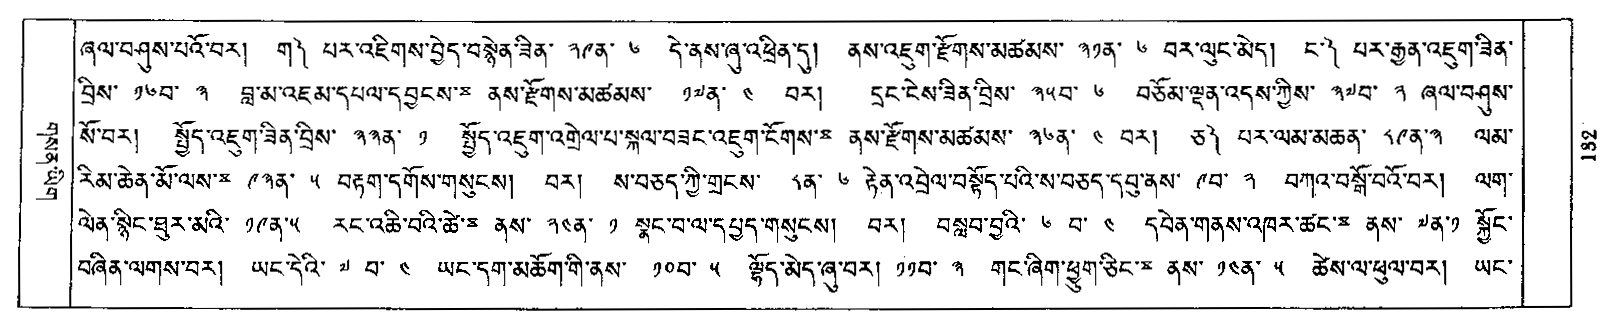ཞལ་བཤུས་པའོ་བར། ག྄་པར་འཇིགས་བྱེད་བསྙེན་ཟིན ༢༩་ན ༦་དེ་ནས་ཞུ་འཕྲིན་དུ། ནས་འཇུག་རྫོགས་མཚམས ༣༡་ན ༦་བར་ལུང་མེད། ང྄་པར་རྒྱན་འཇུག་ཟིན་
བྲིས ༡༦་བ ༣་བླ་མ་འཇམ་དཔལ་དབྱངས་྾་ནས་རྫོགས་མཚམས ༡༧་ན ༤་བར། དྲང་ངེས་ཟིན་བྲིས ༣༥་བ ༦་བཅོམ་ལྡན་འདས་ཀྱིས ༣༧་བ ༢་ཞལ་བཤུས་
སོ་བར། སྤྱོད་འཇུག་ཟིན་བྲིས ༣༣་ན ༡་སྤྱོད་འཇུག་འགྲེལ་པ་སྐལ་བཟང་འཇུག་ངོགས་྾་ནས་རྫོགས་མཚམས ༣༦་ན ༤་བར། ཅ྄་པར་ལམ་མཆན ༨༩་ན ༣་ལམ་
རིམ་ཆེན་མོ་ལས་྾ ༩༣་ན ༥་བརྟག་དགོས་གསུངས། བར། ས་བཅད་ཀྱི་གྲངས ༨་ན ༦་རྟེན་འབྲེལ་བསྟོད་པའི་ས་བཅད་དབུ་ནས ༩་བ ༢་བཀའ་བསྒོ་བའོ་བར། ལག་
ལེན་སྙིང་ཐུར་མའི ༡༩་ན ༥་རང་འཆི་བའི་ཚེ་྾་ནས ༢༤་ན ༡་སྣང་བ་ལ་དཔྱད་གསུངས། བར། བསླབ་བྱའི ༦་བ ༤་དབེན་གནས་འཁར་ཚང་྾་ནས ༧་ན ༡་སྐྱོང་
བཞིན་ལགས་བར། ཡང་དེའི ༧་བ ༤་ཡང་དག་མཆོག་གི་ནས ༡༠་བ ༥་ལྷོད་མེད་ཞུ་བར། ༡༡་བ ༣་གང་ཞིག་ཕྱུག་ཅིང་྾་ནས ༡༤་ན ༥་ཚེས་ལ་ཕུལ་བར། ཡང་